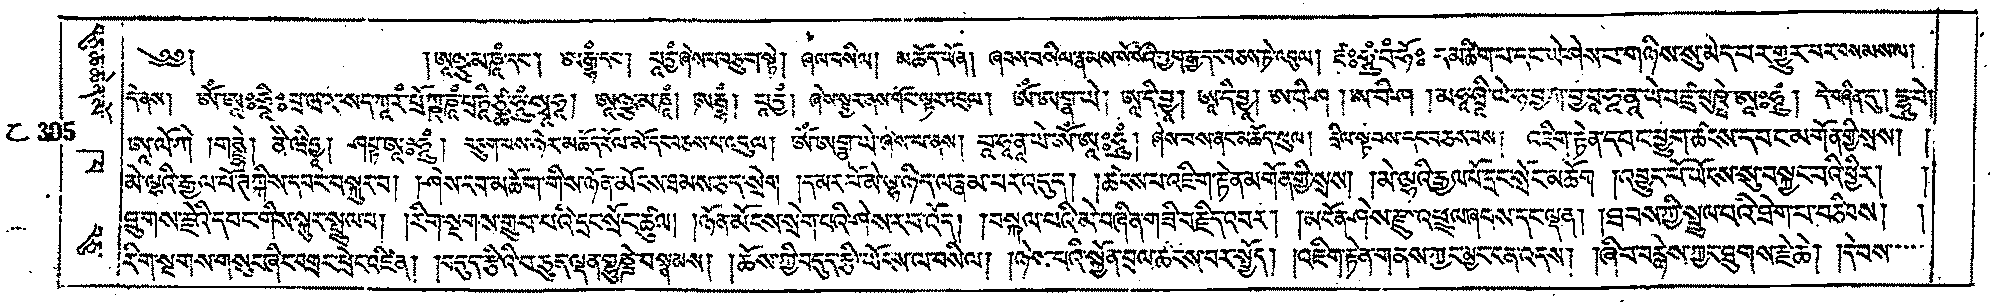༄༅། །ཨཱཉྩ྾་མ་ཎཱཾ་དང་། ཨརྒྷཾ་དང་། པཱདྱཾ་ཞེས་པ་བཅུག་སྟེ། ཞལ་བསིལ། མཆོད་ཡོན། ཞབས་བསིལ་རྣམས་སོ་སོའི་ཕྱག་རྒྱ་དང་བཅས་ཏེ་འབུལ།  ཛཿཧཱུཾ་བཾ་ཧོཿ དམ་ཚིག་པ་དང་ཡེ་ཤེས་པ་གཉིས་སུ་མེད་པར་གྱུར་པར་བསམས་ལ།
དེ་ནས། ཨོཾ་ཨཱཿཧྲཱིཿཔྲ་ཝ་ར་སད་ཀཱ་རཾ་པྲོཀྵ་ཎཱཾ་པྲ་ཏཱིཙྪ་ཧཱུཾ་སྭཱཧཱ། ཨཱཉྩ་མ་ཎཱཾ། ཨརྒྷཾ། པཱདྱཾ། ཞེས་སྦྱར་ནས་གོང་ལྟར་འབུལ།  ཨོཾ་ཨགན་ཡེ། ཨཱ་དི་བྱཱ། ཨཱ་དི་བྱཱ། ཨ་བི་ཤ་།མཧཱ་ཤྲཱི་ཡེ་ཉ་བྱ་ཀ་བྱ་བཱ་ཧཱ་ནཱ་ཡེ་བཛྲ་པུ་ཥྤེ་ཨཱཿཧཱུཾ། དེ་བཞིན་དུ།  དྷཱུ་པེ།
ཨཱ་ལོ་ཀེ །གནྡྷེ། ནཻ་ཝིདྱཱ། ཤྤྟ་ཨཱཿཧཱུཾ། བཅུག་པས་ཉེར་མཆོད་རོལ་མོ་དང་བཅས་པ་འབུལ།  ཨོཾ་ཨགན་ཡེ་ཞེས་པ་ནས།  བཱ་ཧཱ་ནཱ་ཡེ་ཨོཾ་ཨཱཿཧཱུཾ། ཞེས་པས་ནང་མཆོད་ཕུལ། དྲིལ་སྟབས་དང་བཅས་པས།  འཇིག་རྟེན་དབང་ཕྱུག་ཚངས་དབང་མགོན་གྱི་སྲས། །
མེ་ལྷའི་རྒྱལ་པོ་ཊཀྐིས་དབང་བསྐུར་བ། །ཤེས་རབ་མཆོག་གིས་ཉོན་མོངས་ཐམས་ཅད་སྲེག །དམར་པོ་མེ་ལྷ་ཉིད་ལ་རྣམ་པར་འ་དུད། །ཚངས་པ་འཇིག་རྟེན་མགོན་གྱི་སྲས། །མེ་ལྷའི་རྒྱལ་པོ་དྲང་སྲོང་མཆོག །འབྱུང་པོ་ཡོངས་སུ་བསྐྱང་བའི་ཕྱིར། །
ཐུགས་རྗེའི་དབང་གིས་སྐུར་སྤྲུལ་པ། །རིག་སྔགས་གྲུབ་པའི་དྲང་སྲོང་ཚུལ། །ཉོན་མོངས་སྲེག་པའི་ཤེས་རབ་འོད། །བསྐལ་པའི་མེ་བཞིན་གཟི་བརྗིད་འབར། །མངོན་ཤེས་རྫུ་འཕྲུལ་ཞབས་དང་ལྡན། །ཐབས་ཀྱི་སྤྲུལ་པའི་ཐེག་པ་བཅིབས། །
རིག་སྔགས་གསུང་ཞིང་བགྲང་ཕྲེང་འཛིན། །བདུད་རྩིའི་བཅུད་ལྡན་གྷུཎྜེ་བསྣམས། །ཆོས་ཀྱི་བདུད་རྩི་ཡོངས་ལ་བསིལ། །ཉེས་པའི་སྐྱོན་བྲལ་ཚངས་པར་སྤྱོད། །འཇིག་རྟེན་གནས་ཀྱང་མྱང་ངན་འདས། །ཞིབ་བརྙེས་ཀྱང་ཐུགས་རྗེ་ཆེ། །དེ་བས་་་